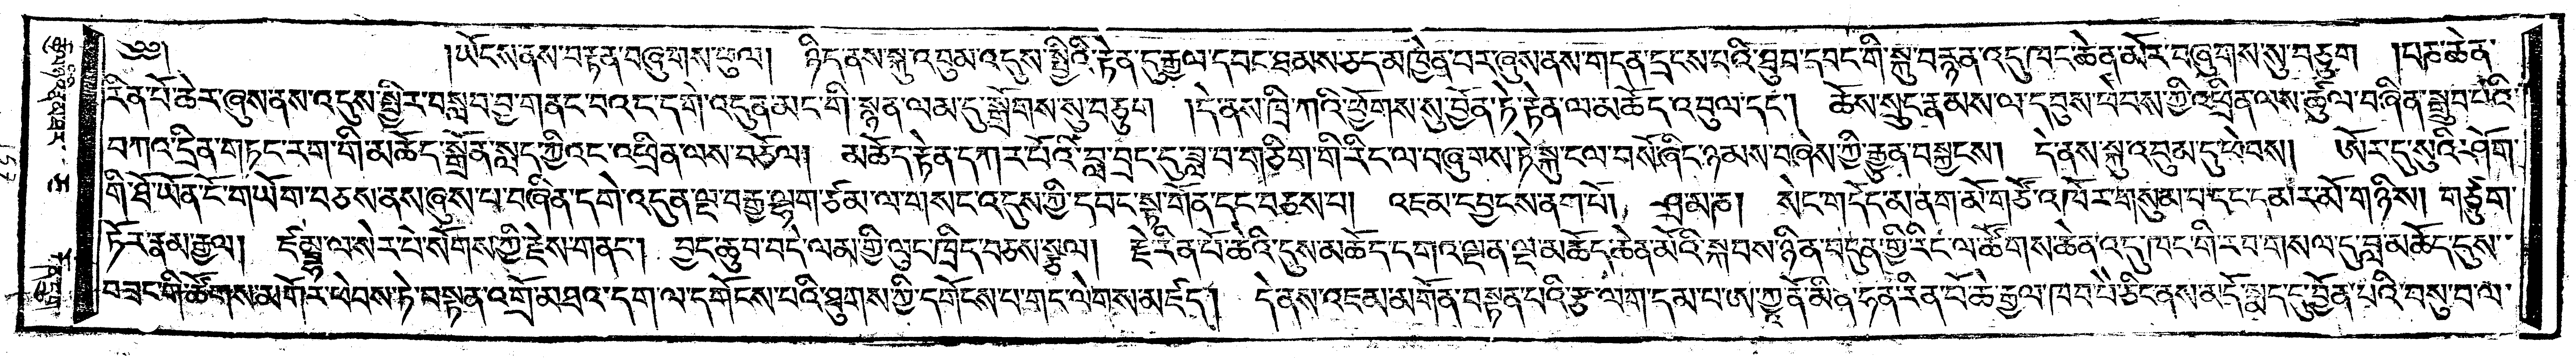༄༅། །ཡོངས་ནས་བརྟན་བཞུགས་བུལ། ཉིད་ནས་སྐུ་འབུམ་འདུས་སྤྱིའི་རྟེན་དུ་རྒྱལ་དབང་ཐམས་ཅད་མཁྱེན་བར་ཞུས་ནས་གདན་དྲངས་བའི་ཐུབ་དབང་གི་སྐུ་བརྙན་འདུ་ཁང་ཆེན་མོར་བཞུགས་སུ་བཅུག །པཎ་ཆེན་
རིན་པོ་ཆེར་ཞུས་ནས་འདུས་སྤྱིར་བསླབ་བྱ་གནང་བའང་དགེ་འདུན་མང་གི་སྙན་ལམ་དུ་སྒྲོགས་སུ་བཅུག །དེ་ནས་ཁྲི་ཀའི་ཕྱོགས་སུ་བྱོན་ཏེ་རྟེན་ལ་མཆོད་འབུལ་དང་། ཆོས་སྲུང་རྣམས་ལ་དབུས་ཕེབས་ཀྱི་འཕྲིན་ལས་ཚུལ་བཞིན་སྒྲུབ་པའི་
བཀའ་དྲིན་གཏང་རག་གི་མཆོད་སྒྲོན་སླད་ཀྱིའང་འཕྲིན་ལས་བཅོལ། མཆོད་རྟེན་དཀར་བོའི་བླ་བྲང་དུ་ཟླ་བ་གཅིག་གི་རིང་ལ་བཞུགས་ཏེ་སྐུ་ངལ་བསོ་ཞིང་ཉམས་བཞེས་ཀྱི་རྒྱུན་བསྐྱངས། དེ་ནས་སྐུ་འབུམ་དུ་ཕེབས། ཨོར་དུ་སུའི་ཤོག་
གི་ཐོ་ཡོན་ངོ་གཡོག་བཅས་ནས་ཞུས་པ་བཞིན་དགེ་འདུན་ལྔ་བརྒྱ་ལྷག་ཙམ་ལ་གསང་འདུས་ཀྱི་དབང་སྟ་གོན་དང་བཅས་པ། འཇམ་དབྱངས་ནག་པོ། ཤྲ་མ་ཎ། སེང་གདོང་མ་ནག་མོ་གཙོ་འཁོར་གསུམ་བ་དང་དམར་མོ་གཉིས། གཙུག་
ཏོར་རྣམ་རྒྱལ། ཛམྦྷ་ལ་སེར་པོ?་སོགས་ཀྱི་རྗེས་གནང་། བྱང་ཆུབ་བདེ་ལམ་གྱི་ལུང་ཁྲིད་བཅས་སྩལ། རྗེ་རིན་པོ་ཆེའི་དུས་མཆོད་དགའ་ལྡན་ལྔ་མཆོད་ཆེན་མོའི་སྐབས་ཉིན་བདུན་གྱི་རིང་ལ་ཚོགས་ཆེན་འདུ་ཁང་གི་རབ་གསལ་དུ་བླ་མཆོད་དུས་
བཟང་གི་ཚོགས་མགོར་ཕེབས་ཏེ་བསྟན་འགྲོ་མཐའ་དག་ལ་དགོངས་པའི་ཐུགས་ཀྱི་དགོངས་པ་གང་ལེགས་མཛད། དེ་ནས་འཇམ་མགོན་བསྟན་བའི་རྩ་ལག་དམ་བ་ཨ་ཀྱཱ་ནོ་མིན་ཧན་རིན་པོ་ཆེ་རྒྱལ་ཁབ་བཻ་ཅིང་ནས་མདོ་སྨད་དུ་བྱོན་པའི་བསུ་བ་ལ་